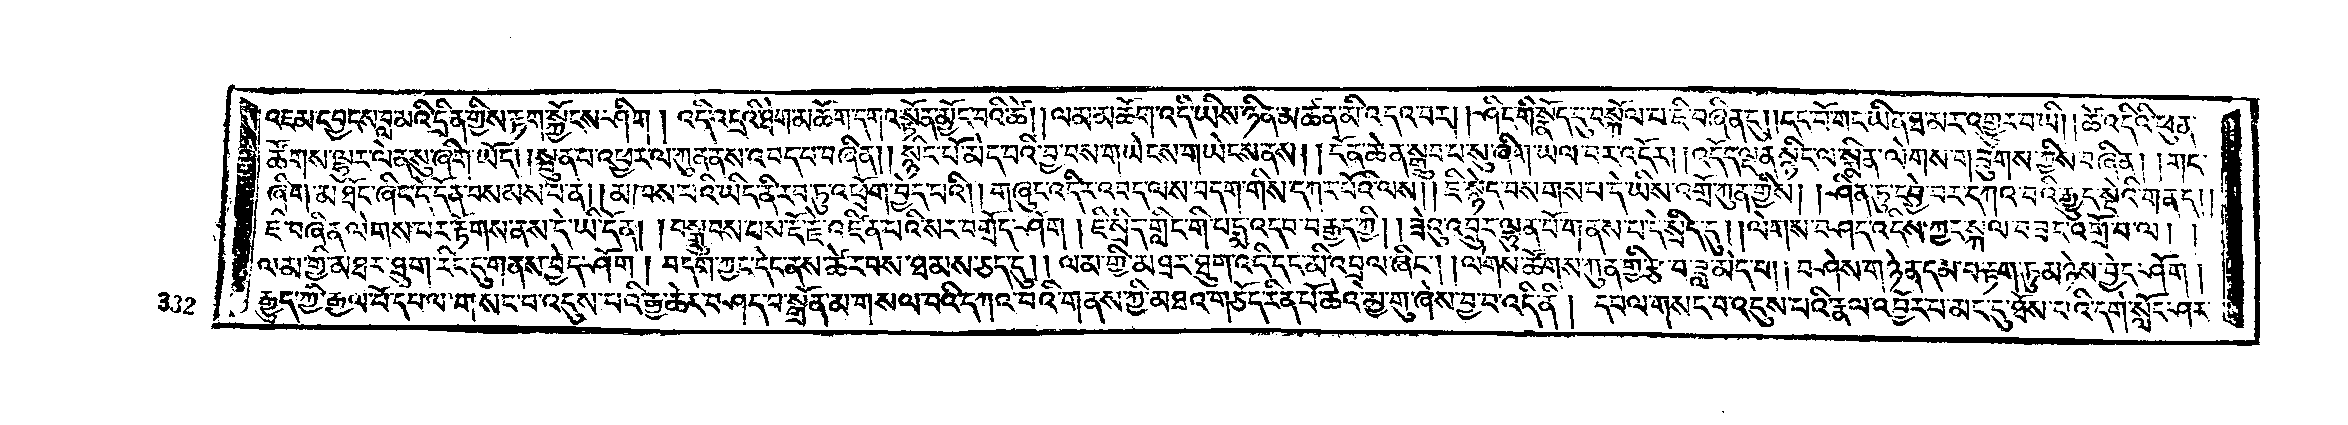འཇམ་དབྱངས་བླ་མའི་དྲིན་གྱིས་རྟག་སྐྱོངས་ཤིག །འདི་འདྲའི་ཐེག་མཆོག་དགའ་སྟོན་མྱོང་བའི་ཚེ། །ལམ་མཆོག་འདི་ཡིས་ཉིན་མཚན་མི་འདའ་བར། །ཤིང་གི་སྣོད་དུ་བསྐོལ་བ་ཇི་བཞིན་དུ། །དང་པོ་གང་ཡིན་ཐ་མར་འགྱུར་བ་ཡི། །ཚེ་འདིའི་ཕུན་
ཚོགས་ལྷུར་ལེན་སུ་ཞིག་ཡོད། །སྦུན་པ་འཕྱར་ལ་ཀུན་ནས་འབད་པ་བཞིན། །སྙིང་པོ་མེད་པའི་བྱ་བས་གཡེངས་གཡེངས་ནས། །དོན་ཆེན་སྒྲུབ་པ་སུ་ཞིག་ཡལ་བར་འདོར། །འདོད་ལྡན་སྙིང་ལ་སྨིན་ལེགས་གཟུགས་ཀྱིས་བཞིན། །གང་
ཞིག་མཐོང་ཞིང་དེ་དོན་བསམས་པ་ན། །མཁས་པའི་ཡིད་ནི་རབ་ཏུ་འཕྲོག་བྱེད་པའི། །གཞུང་འདིར་འབད་ལས་བདག་གིས་དཀར་པོའི་ལས། །ཇི་སྙེད་བསགས་པ་དེ་ཡིས་འགྲོ་ཀུན་གྱིས། །ཤིན་ཏུ་དབྱེ་བར་དཀའ་བའི་རྒྱུད་སྡེའི་གནད། །
ཇི་བཞིན་ལེགས་པར་རྟོགས་ནས་དེ་ཡི་དོན། །བསྒྲུབས་པས་རྡོ་རྗེ་འཛིན་པའི་སར་བགྲོད་ཤོག །ཇི་སྲིད་གླིང་གི་པདམ་འདབ་བརྒྱད་ཀྱི། །ཟེའུ་འབྲུར་ལྷུན་པོ་གནས་པ་དེ་སྲིད་དུ། །ལེགས་བཤད་འདིས་ཀྱང་སྐལ་བཟང་འགྲོ་བ་ལ། །
ལམ་གྱི་མཐར་ཐུག་རིང་དུ་གནས་བྱེད་ཤོག །བདག་ཀྱང་དེང་ནས་ཚེ་རབས་ཐམས་ཅད་དུ། །ལམ་གྱི་མཐར་ཐུག་འདི་དང་མི་འབྲལ་ཞིང་། །ལེགས་ཚོགས་ཀུན་གྱི་རྩ་བ་ཟླ་མེད་པ། །བཤེས་གཉེན་དམ་པ་རྟག་ཏུ་མཉེས་བྱེད་ཤོག །
རྒྱུད་ཀྱི་རྒྱལ་པོ་དཔལ་གསང་བ་འདུས་པའི་རྒྱ་ཆེར་བཤད་པ་སྒྲོན་མ་གསལ་བའི་དཀའ་བའི་གནས་ཀྱི་མཐའ་གཅོད་རིན་པོ་ཆེའི་མྱུ་གུ་ཞེས་བྱ་བ་འདི་ནི། དཔལ་གསང་བ་འདུས་པའི་རྣལ་འབྱོར་པ་མང་དུ་ཐོས་པའི་དགེ་སློང་ཤར་